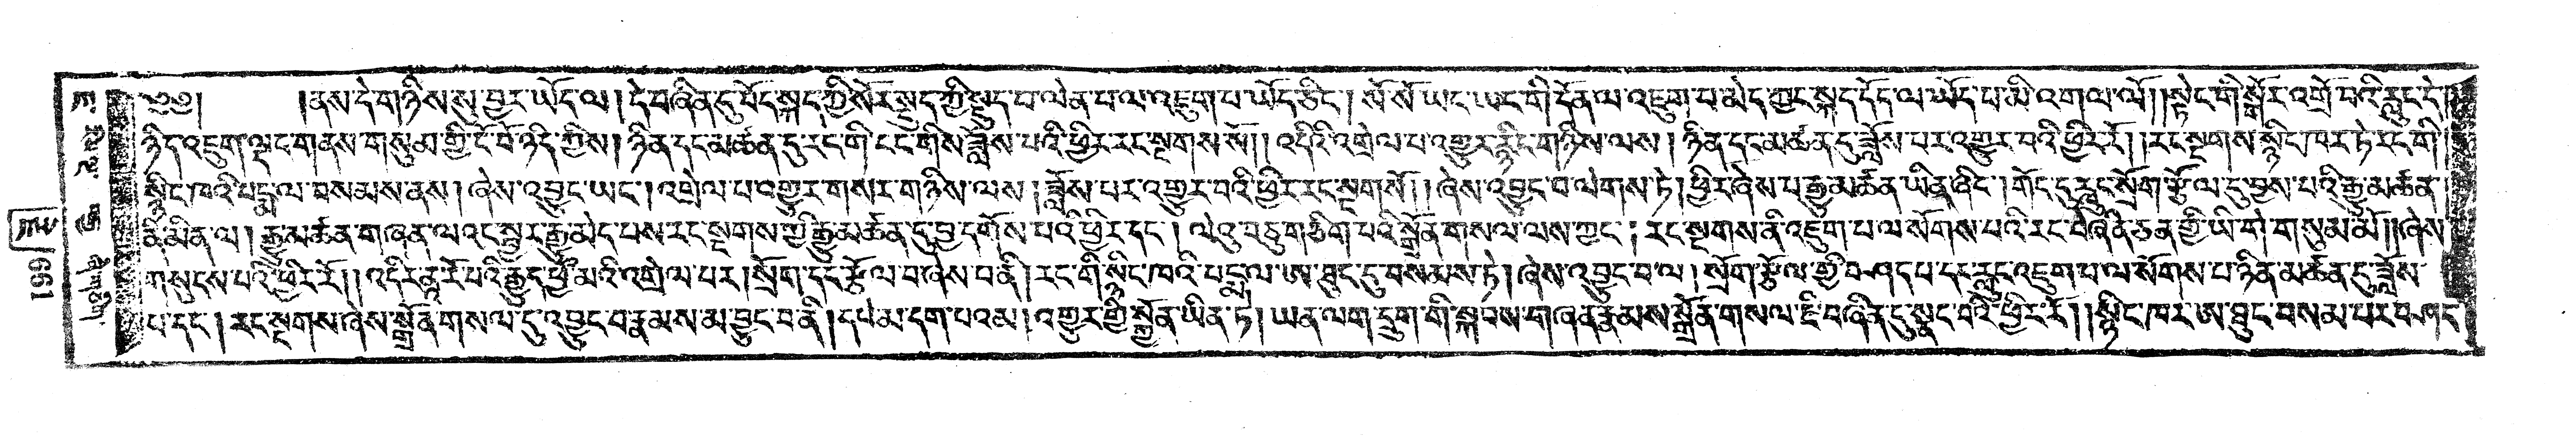༄༅། །ནས་དེ་གཉིས་སུ་བྱར་ཡོད་ལ། དེ་བཞིན་དུ་བོད་སྐད་ཀྱི་སོར་སྡུད་ཀྱི་སྡུད་པ་ལེན་པ་ལ་འཇུག་པ་ཡོད་ཅིང་། སོ་སོ་ཡང་ཡང་གི་དོན་ལ་འཇུག་པ་མེད་ཀྱང་སྐད་དོད་ལ་ཡོད་པ་མི་འགལ་ལོ། །སྟེང་གི་སྒོར་འགྲོ་བའི་རླུང་དེ་
ཉིད་འཇུག་སྡང་གནས་གསུམ་གྱི་ངོ་བོ་ཉིད་ཀྱིས། ཉིན་དང་མཚན་དུ་རང་གི་ངང་གིས་ཟློས་པའི་ཕྱིར་རང་སྔགས་སོ། །འདིའི་འགྲེལ་པ་འགྱུར་རྙིང་གཉིས་ལས། ཉིན་དང་མཚན་དུ་ཟློས་པར་འགྱུར་བའི་ཕྱིར་རོ། །རང་སྔགས་སྙིང་ཁར་ཏེ་རང་གི་
སྙིང་ཁའི་པདམ་ལ་བསམས་ནས། ཞེས་འབྱུང་ཡང་། འགྲེལ་པ་འགྱུར་གསར་གཉིས་ལས་།ཟླས་པར་འགྱུར་བའི་ཕྱིར་རང་སྔགས་སོ། །ཞེས་འབྱུང་བ་ལེགས་ཏེ། ཕྱིར་ཞེས་པ་རྒྱུ་མཚན་ཡིན་ཞིང་།གོང་དུ་རླུང་སྲོག་རྩོལ་དུ་བྱས་པའི་རྒྱུ་མཚན་
ནི་མིན་ལ། རྒྱུ་མཚན་གཞན་ལའང་སྦྱར་རྒྱུ་མེད་པས་རང་སྔགས་ཀྱི་རྒྱུ་མཚན་དུ་བྱ་དགོས་པའི་ཕྱིར་དང་། ལེའུ་བཅུ་གཅིག་པའི་སྒྲོན་གསལ་ལས་ཀྱང་། རང་སྔགས་ནི་འཇུག་པ་ལ་སོགས་པའི་རང་བཞིན་ཅན་གྱི་ཡི་གེ་གསུམ་མོ། །ཞེས་
གསུངས་པའི་ཕྱིར་རོ། །འདིར་ནཱ་རོ་པའི་རྒྱུད་ཕྱི་མའི་འགྲེལ་པར། སྲོག་དང་རྩོལ་བ་ཞེས་པ་ནི། རང་གི་སྙིང་ཁའི་པདམ་ལ་ཨ་ཐུང་དུ་བསམས་ཏེ། ཞེས་འབྱུང་བ་ལ། སྲོག་རྩོལ་གྱི་བཤད་པ་དང་རླུང་འཇུག་པ་ལ་སོགས་པ་ཉིན་མཚན་དུ་ཟློས་
པ་དང་། རང་སྔགས་ཞེས་སྒྲོན་གསལ་དུ་འབྱུང་བ་རྣམས་མ་བྱུང་བ་ནི། དཔེ་མ་དག་པའམ། འགྱུར་གྱི་སྐྱོན་ཡིན་ཏེ། ཡན་ལག་དྲུག་གི་སྐབས་གཞན་རྣམས་སྒྲོན་གསལ་ཇི་བཞིན་དུ་སྣང་བའི་ཕྱིར་རོ། །སྙིང་ཁར་ཨ་ཐུང་བསམ་པར་བཤད་